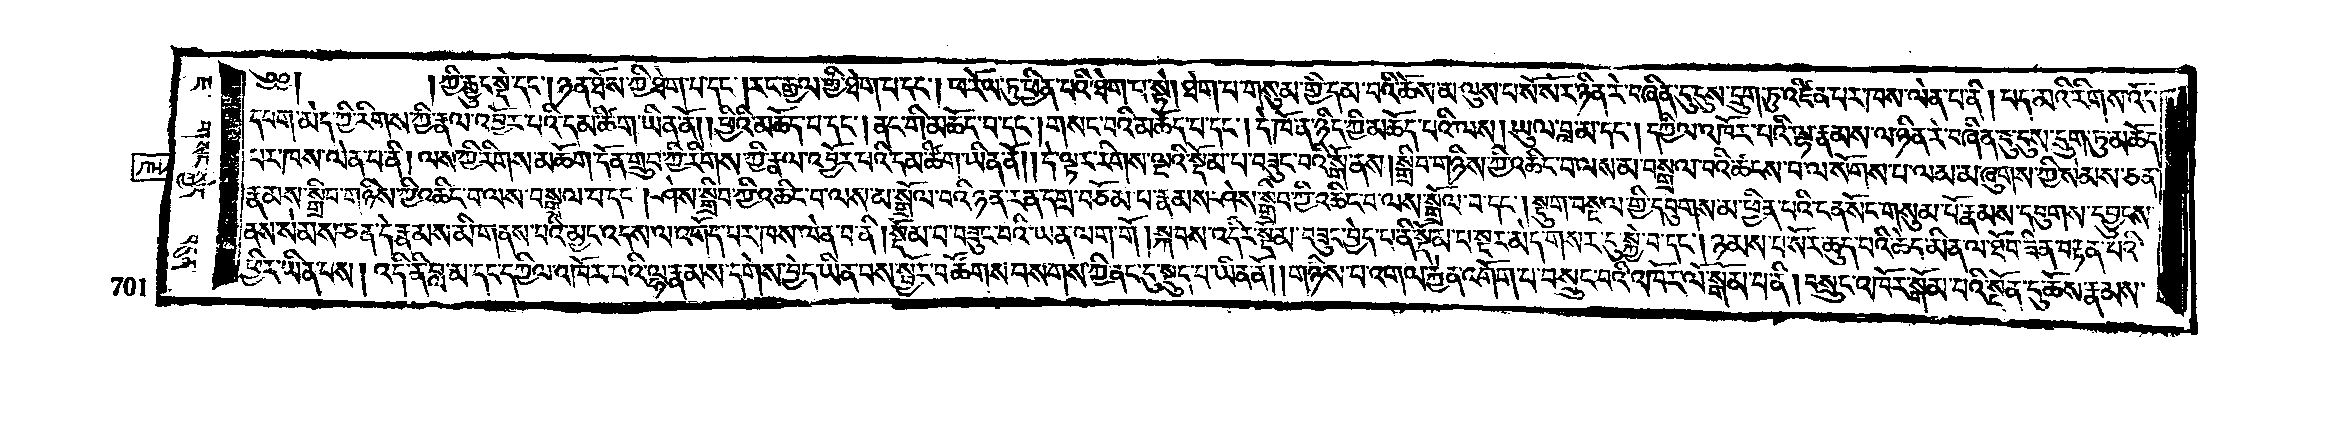༄༅། །ཀྱི་རྒྱུད་སྡེ་དང་། ཉན་ཐོས་ཀྱི་ཐེག་པ་དང་། རང་རྒྱལ་གྱི་ཐེག་པ་དང་། ཕ་རོལ་ཏུ་ཕྱིན་པའི་ཐེག་པ་སྟེ། ཐེག་པ་གསུམ་གྱི་དམ་པའི་ཆོས་མ་ལུས་པ་སོ་སོར་ཉིན་རེ་བཞིན་དུ་དུས་དྲུག་ཏུ་འཛིན་པར་ཁས་ལེན་པ་ནི། པད་མའི་རིགས་འོད་
དཔག་མེད་ཀྱི་རིགས་ཀྱི་རྣལ་འབྱོར་པའི་དམ་ཚིག་ཡིན་ནོ། །ཕྱིའི་མཆོད་པ་དང་། ནང་གི་མཆོད་པ་དང་། གསང་བའི་མཆོད་པ་དང་། དེ་ཁོ་ན་ཉིད་ཀྱི་མཆོད་པའི་ལས། ཡུལ་བླ་མ་དང་། དཀྱིལ་འཁོར་པའི་ལྷ་རྣམས་ལ་ཉིན་རེ་བཞིན་དུ་དུས་དྲུག་ཏུ་མཆོད་
པར་ཁས་ལེན་པ་ནི། ལས་ཀྱི་རིགས་མཆོག་དོན་གྲུབ་ཀྱི་རིགས་ཀྱི་རྣལ་འབྱོར་པའི་དམ་ཚིག་ཡིན་ནོ། །དེ་ལྟར་རིགས་ལྔའི་སྡོམ་པ་བཟུང་བའི་སྒོ་ནས། སྒྲིབ་གཉིས་ཀྱི་འཆིང་བ་ལས་མ་བསྒྲལ་བའི་ཚངས་པ་ལ་སོགས་པ་ལམ་མ་ཞུགས་ཀྱི་སེམས་ཅན་
རྣམས་སྒྲིབ་གཉིས་ཀྱི་འཆིང་བ་ལས་བསྒྲལ་བ་དང་། ཤེས་སྒྲིབ་ཀྱི་འཆིང་བ་ལས་མ་སྒྲོལ་བའི་ཉན་རན་དགྲ་བཅོམ་པ་རྣམས་ཤེས་སྒྲིབ་ཀྱི་འཆིང་བ་ལས་སྒྲོལ་བ་དང་། སྡུག་བསྔལ་གྱི་དབུགས་མ་ཕྱིན་པའི་ངན་སོང་གསུམ་པོ་རྣམས་དབུགས་དབྱུངས་
ནས་སེམས་ཅན་དེ་རྣམས་མི་གནས་པའི་མྱང་འདས་ལ་འགོད་པར་ཁས་ལེན་བ་ནི། སྡོམ་པ་བཟུང་བའི་ཡན་ལག་གོ །སྐབས་འདིར་སྡོམ་བཟུང་བྱེད་པ་ནི་སྡོམ་པ་སྔར་མེད་གསར་དུ་སྐྱེ་བ་དང་། ཉམས་པ་སོར་ཆུད་པའི་ཆེད་མིན་ལ་ཐོབ་ཟིན་བརྟན་པའི་
ཕྱིར་ཡིན་པས། འདི་ནི་བླ་མ་དང་དཀྱིལ་འཁོར་པའི་ལྷ་རྣམས་དགེས་བྱེད་ཡིན་པས་སྦྱོར་བ་ཚོགས་བསགས་ཀྱི་ནང་དུ་སྡུད་པ་ཡིན་ནོ། །གཉིས་པ་འགལ་རྐྱེན་འགོག་པ་བསྲུང་བའི་འཁོར་ལོ་སྒོམ་པ་ནི། བསྲུང་འཁོར་སྒོམ་པའི་སྔོན་དུ་ཆོས་རྣམས་